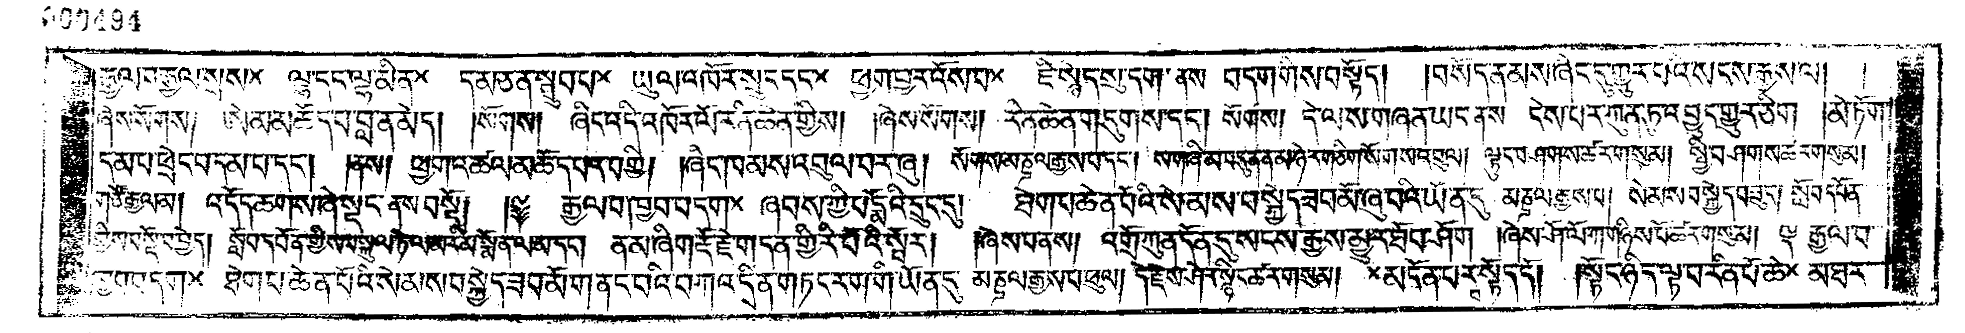རྒྱལ་བ་རྒྱལ་སྲས྾་ལྷ་དང་ལྷ་མིན྾་དམ་ཅན་སྒྲུབ་པ྾་ཡུལ་འཁོར་སྲུང་དང྾་ཕྱག་བྱར་འོས་པ྾་ཇི་སྙེད་སུ་དག་ནས་བདག་གིས་བསྟོད། །བསོད་ནམས་ཞིང་དུ་གྱུར་པའི་སངས་རྒྱས་ལ། །
ཞེས་སོགས།  ཨེ་མ་མཆོད་པ་བླ་ན་མེད། །སོགས། ཞིང་འདི་འཁོར་ལོ་རིན་ཆེན་གྱིས། །ཞེས་སོགས། རིན་ཆེན་གདུགས་དང་། སོགས། དེ་ལས་གཞན་ཡང་ནས་ངེས་པར་ཀུན་ཏུ་འབྱུང་གྱུར་ཅིག །མེ་ཏོག་
དམ་པ་ཕྲེང་བ་དམ་པ་དང་། ། ནས།  ཕྱག་འཚལ་མཆོད་པར་བགྱི། །ཞིང་ཁམས་འབུལ་བར་ཞུ། སོགས་མཎྜལ་རྒྱས་པ་དང་། ས་གཞི་མ་བདུན་ནམ་ཉེར་གཅིག་སོགས་འབུལ། ལྟུང་བཤགས་ཚར་གསུམ། སྤྱི་བཤགས་ཚར་གསུམ།
གཙོ་རྒྱལ་མ། འདོད་ཆགས་ཞེ་སྡང་ནས་བསྔོ།། ༈ རྒྱལ་བ་ཁྱབ་བདག྾་ཞབས་ཀྱི་པདམོའི་དྲུང་དུ། ཐེག་པ་ཆེན་པོའི་སེམས་བསྐྱེད་ཟབ་མོ་ཞུ་བའི་ཡོན་དུ་མཎྜལ་རྒྱས་པ།  སེམས་བསྐྱེད་བཟུང་། སློབ་དཔོན་
གྱིས་བསྔོ་བ་བྱེད། སློབ་དཔོན་གྱིས་བསྐུལ་ཏེ་ལམ་རིམ་སྨོན་ལམ་དང་། ནམ་ཞིག་རྡོ་རྗེ་གདན་གྱི་རི་བོའི་སྦོར། །ཞེས་པ་ནས།  འགྲོ་ཀུན་དོན་དུ་སངས་རྒྱས་མྱུར་ཐོབ་ཤོག ། ཞེས་ཤོ་ལོ་ཀ་གཉིས་པོ་ཚར་གསུམ།  ༈ རྒྱལ་བ་
ཁྱབ་བདག྾་ཐེག་པ་ཆེན་པོའི་སེམས་བསྐྱེད་ཟབ་མོ་གནང་བའི་བཀའ་དྲིན་གཏང་རག་གི་ཡོན་དུ་མཎྜལ་རྒྱས་པ་ཕུལ།  དེ་རྗེས་ཤེར་སྙིང་ཚར་གསུམ།྾་མངོན་པར་བསྟོད་དོ། །སྟོང་ཉིད་ལྟ་བ་རིན་པོ་ཆེ྾་མཐར་